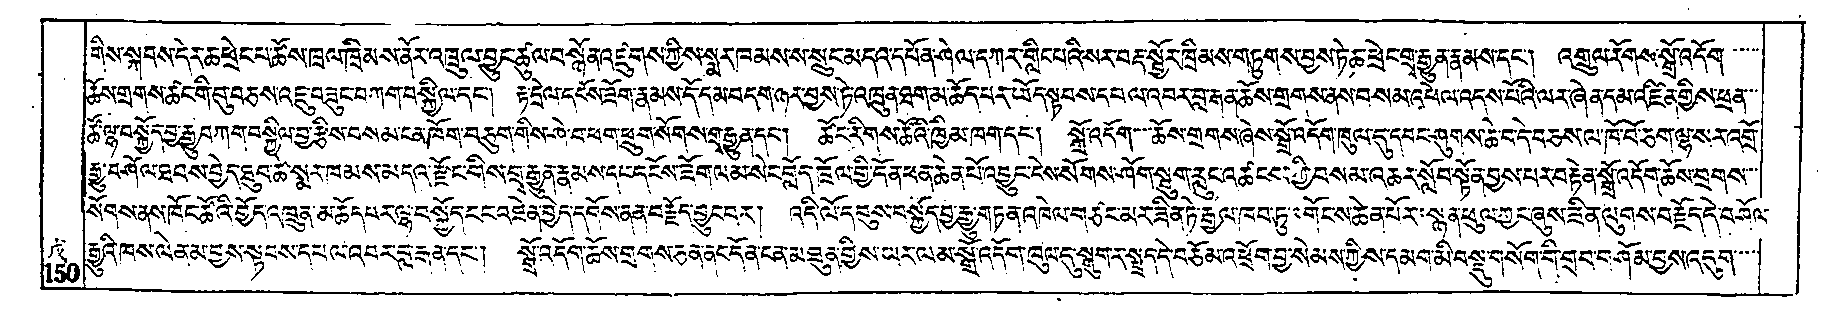གིས་སྐབས་དེར་ཆ་ཕྲེང་པ་ཚོས་ཁྲལ་ཁྲིམས་ནོར་འཁྲུལ་བྱུང་ཚུལ་བསྙོན་འཛུགས་ཀྱིས་སྨར་ཁམས་ས་སྲུང་མདའ་དཔོན་ཤེལ་དཀར་གླིང་པའི་སར་བརྡ་སྦྱོར་ཁྲིམས་གཏུགས་བྱས་ཏེ་ཆ་ཕྲེང་གྲྭ་རྒྱུན་རྣམས་དང་། འགྲུལ་རོགས་སྒྲོ་འདོག་
ཆོས་གྲགས་ཚང་གི་བུ་བཅས་འཇུ་བཟུང་བཀག་བསྐྱིལ་དང་། རྟ་དྲེལ་དངོས་ཟོག་རྣམས་དོ་དམ་བདག་ཉར་བྱས་ཏེ་འཁྲུན་ཐག་མ་ཆོད་པར་ཡོད་སྟབས་དཔལ་འབར་བླ་རྒན་ཆོས་གྲགས་ནས་བསམ་འཕེལ་འདས་པོའི་ལར་ཞེན་དམ་འཛིན་གྱིས་ཕྲན་
ཚོ་ལྷ་བསྐྱོད་བྱ་རྒྱུ་བཀག་བསྐྱིལ་བྱ་རྩིས་བསམ་ངན་ཁོག་བཅུག་གིས་ཤེ་བ་ཕག་ཕྲུག་སོགས་གྲྭ་རྒྱུན་དང་། ཚོང་རིགས་ཚོའི་ཁྱིམ་ཁག་དང་། སྒྲོ་འདོག་ཆོས་གྲགས་ཞེས་སྒྲོ་འདོག་ཁུལ་དུ་དབང་ཤུགས་ཆེ་བ་དེ་བཅས་ལ་ཁོ་བོ་ཅག་ལྷ་སར་འགྲོ་
རྒྱུ་བཤོལ་ཐབས་བྱེད་ཐུབ་ཚེ་སྨར་ཁམས་མདའ་རྫོང་གིས་གྲྭ་རྒྱུན་རྣམས་དང་དངོས་ཟོག་ལམ་སེང་གློད་ཁྲོལ་གྱི་དོན་ཕན་ཆེན་པོ་འབྱུང་ངེས་སོགས་ཤོག་སྦུག་རླུང་འཚངས་ཀྱི་བསམ་འཆར་སློབ་སྟོན་བྱས་པར་བརྟེན་སྒྲོ་འདོག་ཆོས་གྲགས་
སོགས་ནས་ཁོང་ཚོའི་གྱོད་འཁྲུན་མ་ཆོད་པར་ལྷ་བསྐྱོད་ངང་འཐེན་བྱེད་དགོས་ནན་བརྗོད་བྱུང་བར། འདི་ལོ་དབུས་བསྐྱོད་བྱ་རྒྱུ་གཏན་འཁེལ་གཙང་མར་ཟིན་ཏེ་རྒྱལ་ཁབ་ཏུ་༧གོང་ས་ཆེན་པོར་སྙེན་ཕུལ་ཀྱང་ཞུས་ཟིན་ལུགས་བརྗོད་དེ་བཤོལ་
རྒྱུའི་ཁས་ལེན་མ་བྱས་སྟབས་དཔལ་འབར་བླ་རྒན་དང་། སྒྲོ་འདོག་ཆོས་གྲགས་ཅན་ནང་དོན་ངན་མཐུན་གྱིས་ཡར་ལམ་སྒྲོ་འདོག་ཁུལ་དུ་སྒུག་ར་སྤྲད་དེ་བཅོམ་འཕྲོག་བྱ་སེམས་ཀྱིས་དམག་མི་བསྡུ་གསོག་གི་གྲབ་གཤོམ་བྱས་འདུག་